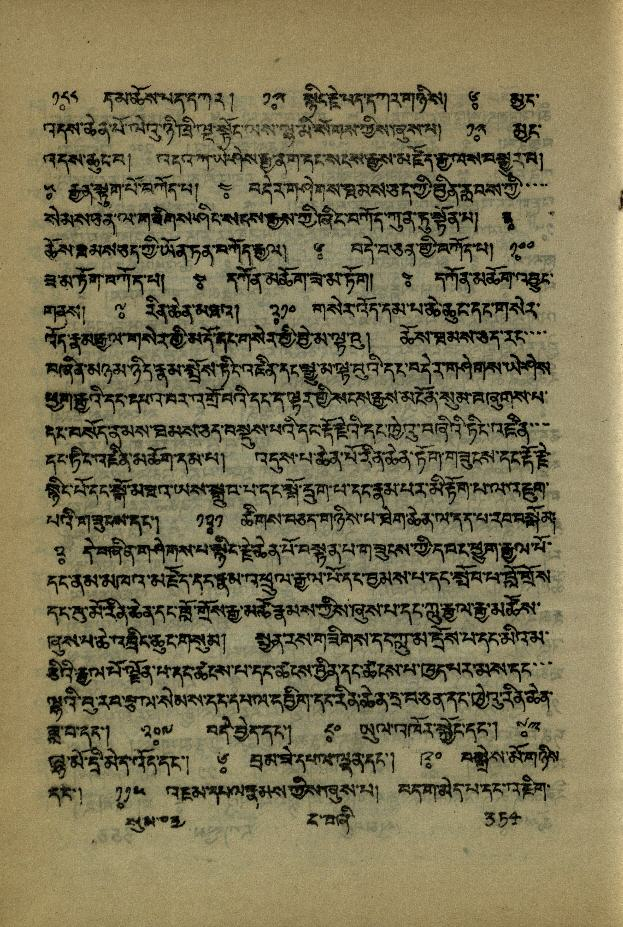༡༨༨་ད་མཆོས་པད་དཀར། ༡༣་སྙིང་རྗེ་པད་དཀར་གཉིས། ༦་མྱང་
འདས་ཆེན་པོ་ལེའུ་ཉི་ཁྲི་ལྔ་སྟོང་ལས་ལྷ་མི་སོགས་ཀྱིས་ཞུས་པ། ༡༣་མྱང་
འདས་ཆུང་བ། འདའ་ཀ་ཡེ་ཤེས་རྒྱ་ནག་དང་སངས་རྒྱས་མཛོད་རྒྱ་ལས་བསྒྱུར་བ།
༥་རྒྱན་སྟུག་པོ་བཀོད་པ། ༤་བདེར་གཤེགས་ཐམས་ཅད་ཀྱི་བྱིན་རླབས་ཀྱི་
སེམས་ཅན་ལ་གཟིགས་ཤིང་སངས་རྒྱས་ཀྱི་ཞིང་བཀོད་ཀུན་ཏུ་སྟོན་པ།
ཆོས་ཐམས་ཅད་ཀྱི་ཡོན་ཏན་བཀོད་རྒྱལ། ༦་བདེ་བ་ཅན་གྱི་བཀོད་པ། ༡༠༠
ཟ་མ་ཏོག་བཀོད་པ། ༤་དཀོན་མཆོག་ཟ་མ་ཏོག། ༤་དཀོན་མཆོག་འབྱུང་
གནས། ༧་རིན་ཆེན་མཐའ། ༢༡༠་གསེར་འོད་དམ་པ་ཆེ་ཆུང་དང་གསེར་
འོད་རྣམ་རྒྱལ་གསེར་གྱི་མདོ་དང་གསེར་གྱི་བྱེ་མ་ལྟ་བུ། ཆོས་ཐམས་ཅད་རང་
བཞིན་མཉམ་ཉིད་རྣམ་སྤྲོས་ཏིང་འཛིན་དང་སྒྱུ་མ་ལྟ་བུའི་དང་བདེར་གཤེགས་ཡེ་ཤེས་
ཕྱག་རྒྱའི་དང་དཔའ་བར་འགྲོ་པའི་དང་ད་ལྟར་གྱི་སངས་རྒྱས་མངོན་སུམ་བཞུགས་པ་
དང་བསོད་ནམས་ཐམས་ཅད་བསྡུས་པའི་དང་རྡོ་རྗེའི་དང་ཁྱེའུ་བཞིའི་ཏིང་འཛིན་
དང་ཏིང་འཛིན་མཆོག་དམ་པ། འདུས་པ་ཆེན་པོ་རིན་ཆེན་ཏོག་གཟུངས་དང་རྡོ་རྗེ་
སྙིང་པོ་དང་སྒོ་མཐའ་ཡས་སྒྲུབ་པ་དང་སྒོ་དྲུག་པ་དང་རྣམ་པར་མི་རྟོག་པ་ལ་འཇུག་
པའི་གཟུངས་དང་། ༡༣༡་ཚིགས་བཅད་གཉིས་པ་ཐེག་ཆེན་ལ་དད་པ་རབ་བསྒོམ༑
༢་དེ་བཞིན་གཤེགས་པ་སྙིང་རྗེ་ཆེན་པོ་བསྟན་པ་གཟུངས་ཀྱི་དབང་ཕྱུག་རྒྱལ་པོ་
དང་ནམ་མཁའ་མཛོད་དང་རྣམ་འཕྲུལ་རྒྱལ་པོ་དང་བྱམས་པ་དང་སྤོབ་པ་བློ་གྲོས་
དང་བུ་མོ་རིན་ཆེན་དང་བློ་གྲོས་རྒྱ་མཚོ་རྣམས་ཀྱིས་ཞུས་པ་དང་ཀླུ་རྒྱལ་རྒྱ་མཚོས་
ཞུས་པ་ཆེ་འབྲིང་ཆུང་གསུམ། སྤྱན་རས་གཟིགས་དང་ཀླུ་མ་དྲོས་པ་དང་མིའམ་
རྩིའི་རྒྱལ་པོ་ལྗོན་པ་དང་ཚངས་པ་དང་ཚངས་བྱིན་དང་ཚངས་པ་ཁྱད་པར་མས་དང་
ལྷའི་བུ་རབ་རྩ་ལ་སེམས་དང་དཔལ་དབྱིག་དང་རིན་ཆེན་དྲ་བ་ཅན་དང་ཁྱེའུ་རིན་ཆེན་
ཟླ་བ་དང་། ༢༠༧་བདེ་བྱེད་དང་། ༨༠་ཡུལ་འཁོར་སྐྱོང་དང་། ༧༣
ལྷ་མོ་དིར་མེད་འོད་དང་། ༦་བྲམ་ཟེ་དཔལ་ལྡན་དང་། ༩༠་བསྒེས་མོ་གཉིས་
དང་། ༡༡༥་འཇམ་དཔལ་རྣམས་ཀྱིས་ཞུས་པ། བདག་མེད་པ་དང་འཇིག་